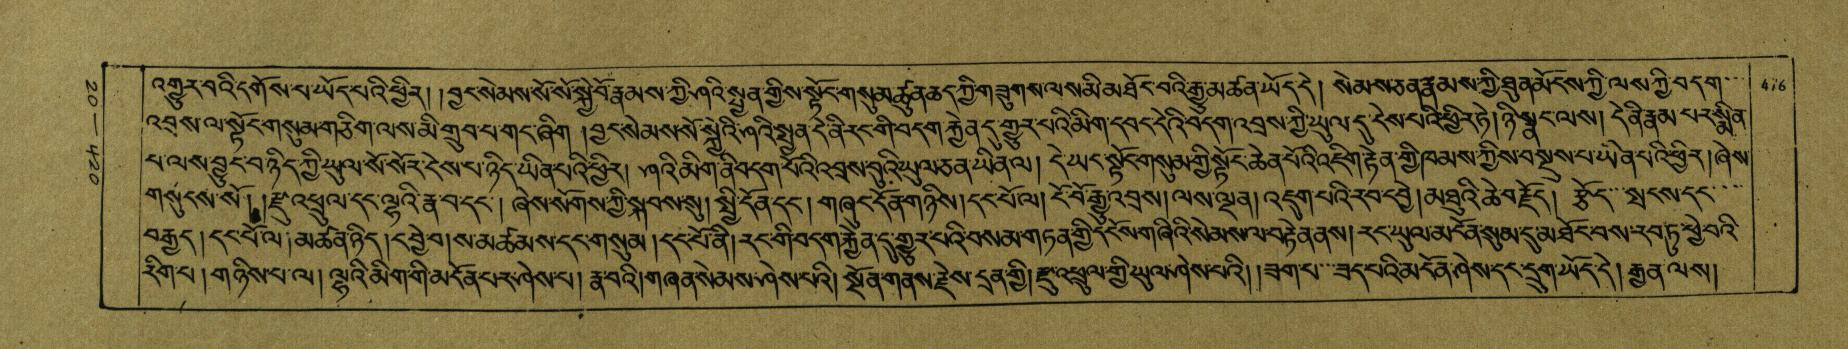འགྱུར་བའི་དགོས་པ་ཡོད་པའི་ཕྱིར། །བྱང་སེམས་སོ་སོ་སྐྱེ་བོ་རྣམས་ཀྱི་ཤའི་སྤྱན་གྱིས་སྟོང་གསུམ་ཚུན་ཆད་ཀྱི་གཟུགས་ལས་མི་མཐོང་བའི་རྒྱུ་མཚན་ཡོད་དེ། སེམས་ཅན་རྣམས་ཀྱི་ཐུན་མོངས་ཀྱི་ལས་ཀྱི་བདག་
འབྲས་ལ་སྟོང་གསུམ་གཅིག་ལས་མི་གྲུབ་པ་གང་ཞིག །བྱང་སེམས་སོ་སྐྱེའི་ཤའི་སྤྱན་དེ་ནི་རང་གི་བདག་རྐྱེན་དུ་གྱུར་པའི་མིག་དབང་དེའི་བདག་འབྲས་ཀྱི་ཡུལ་དུ་ངེས་པའི་ཕྱིར་ཏེ། ཉི་སྣང་ལས། དེ་ནི་རྣམ་པར་སྨིན་
པ་ལས་བྱུང་བ་ཉིད་ཀྱི་ཡུལ་སོ་སོར་ངེས་པ་ཉིད་ཡིན་པའི་ཕྱིར། ཤའི་མིག་ནི་བདག་པོའི་འབྲས་བུའི་ཡུལ་ཅན་ཡིན་ལ། དེ་ཡང་སྟོང་གསུམ་གྱི་སྟོང་ཆེན་པོའི་འཇིག་རྟེན་གྱི་ཁམས་ཀྱིས་བསྡུས་པ་ཡིན་པའི་ཕྱིར། ཞེས་
གསུངས་སོ། །རྫུ་འཕྲུལ་དང་ལྷའི་རྣ་བ་དང་། ཞེས་སོགས་ཀྱི་སྐབས་སུ། སྤྱི་དོན་དང་། གཞུང་དོན་གཉིས། དང་པོ་ལ། ངོ་བོ་རྒྱུ་འབྲས། ལས་ལྡན། འཇུག་པའི་རབ་དབྱེ། མཐུའི་ཆེ་བརྗོད། རྩོད་སྤངས་དང་
བརྒྱད། དང་པོ་ལ། མཚན་ཉིད། དབྱེ་བ། ས་མཚམས་དང་གསུམ། དང་པོ་ནི། རང་གི་བདག་རྐྱེན་དུ་གྱུར་པའི་བསམ་གཏན་གྱི་དངོས་གཞིའི་སེམས་ལ་བརྟེན་ནས། རང་ཡུལ་མངོན་སུམ་དུ་མཐོང་བས་རབ་ཏུ་ཕྱེ་བའི་
རིག་པ། གཉིས་པ་ལ། ལྷའི་མིག་གི་མངོན་པར་ཤེས་པ། རྣ་བའི། གཞན་སེམས་ཤེས་པའི། སྔོན་གནས་རྗེས་དྲན་གྱི། རྫུ་འཕྲུལ་གྱི་ཡུལ་ཤེས་པའི། །ཟག་པ་ཟད་པའི་མངོན་ཤེས་དང་དྲུག་ཡོད་དེ། རྒྱན་ལས།